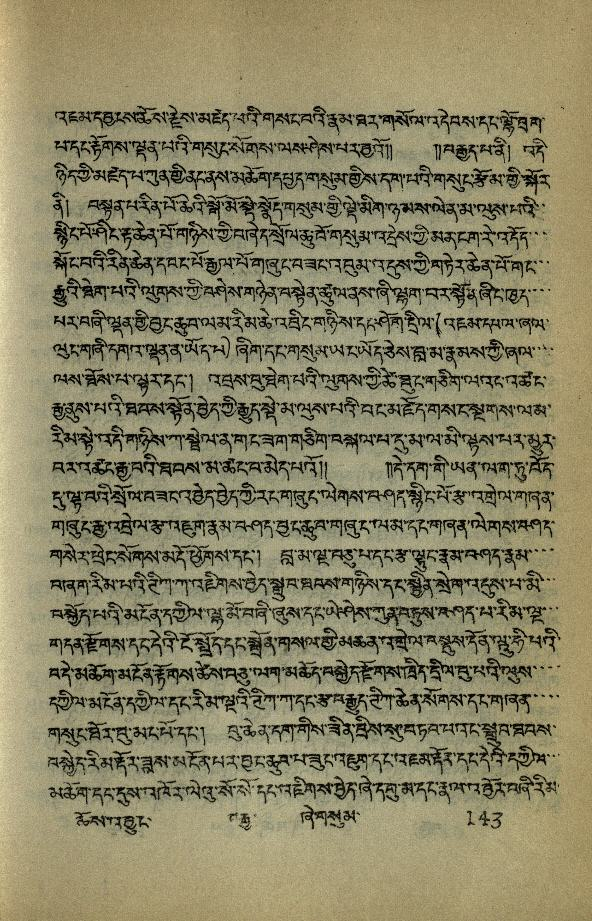འཇམ་དབྱངས་ཆོས་རྗེས་མཛད་པའི་གསང་བའི་རྣམ་ཐར་གསོལ་འདེབས་དང་ལྷོ་བྲག་
པ་དང་རྟོགས་ལྡན་པའི་གསུང་སོགས་ལས་ཤེས་པར་བྱའོ།། །།བརྒྱད་པ་ནི། འདི་
ཉིད་ཀྱི་མཛད་པ་ཀུན་གྱི་ནང་ནས་མཆོག་དཔྱད་གསུམ་གྱིས་དག་པའི་གསུང་རྩོམ་གྱི་སྐོར་
ནི། བསྟན་པ་རིན་པོ་ཆེའི་སྒོ་མོ་སྡེ་སྣོད་གསུམ་གྱི་ལྡེ་མིག་ཉམས་ལེན་མ་ལུས་པའི་
སྙིང་པོ་ཤིང་རྟ་ཆེན་པོ་གཉིས་ཀྱི་བཞེད་སྲོལ་ཆུ་བོ་གསུམ་འདྲེས་ཀྱི་མན་ངག་རེ་འདོད་
སྐོང་བའི་རིན་ཆེན་དབང་པོ་རྒྱལ་པོ་གཞུང་བཟང་འབུམ་འདུས་ཀྱི་གཏེར་ཆེན་པོ་གང་
རྒྱུའི་ཐེག་པའི་ལུགས་ཀྱི་བཤེས་གཉེན་བསྟེན་ཚུལ་ནས་ཞི་ལྷག་པར་སྟོན་ཞིང་ཁྱད་
པར་བཞི་ལྡན་གྱི་བྱང་ཆུབ་ལམ་རིམ་ཆེ་འབྲིང་གཉིས་དང་ཤོག་དྲིལ་འཇམ་དཔལ་ཞལ་
ལུང་གཞི་དགའ་ལྡན་ན་ཡོད་པ་ཞིག་དང་གསུམ་ཡང་ཡོད་ཅེས་བླ་མ་རྣམས་ཀྱི་ཞལ་
ལས་ཐོས་པ་ལྟར་དང་། འབྲས་བུ་ཐེག་པའི་ལུགས་ཀྱི་ཚེ་ཐུང་གཅིག་ལའང་འཚང་
རྒྱ་ནུས་པའི་ཐབས་སྟོན་བྱེད་ཀྱི་རྒྱུད་སྡེ་མ་ལུས་པའི་བང་མཛོད་གསང་སྔགས་ལམ་
རིམ་སྟེ་འདི་གཉིས་ཀ་སྦྲེལ་ན་གང་ཟག་གཅིག་བསྐལ་པ་དུ་མ་ལ་མི་ལྟས་པར་མྱུར་
བར་འཚང་རྒྱ་བའི་ཐབས་མ་ཚང་བ་མེད་པའོ།། །།དེ་དག་གི་ཡན་ལག་ཏུ་བོད་
དུ་ལྟ་བའི་སྲོལ་བཟང་འབྱེད་བྱེད་ཀྱི་རང་གཞུང་ལེགས་བཤད་སྙིང་པོ་རྩ་འགྲེལ་གཞན་
གཞུང་རྒྱ་འབྲེལ་རྩ་འཇུག་རྣམ་བཤད་བྱང་ཆུབ་གཞུང་ལམ་དང་གཞན་ལེགས་བཤད་
གསེར་ཕྲེང་སོགས་མདོ་ཕྱོགས་དང་། བླ་མ་ལྔ་བཅུ་པ་དང་རྩ་ལྟུང་རྣམ་བཤད་རྣམ་
བཞག་རིམ་པའི་ཊིཀ་ཀ་འཇིགས་བྱེད་སྒྲུབ་ཐབས་གཉིས་དང་སྦྱིན་སྲེག་འདུས་པ་མི་
བསྐྱོད་པའི་མངོན་དཀྱིལ་ལྷ་མོ་བཞི་ཞུས་དང་ཡེ་ཤེས་ཀུན་བཏུས་བཤད་པ་རིམ་ལྔ་
གདན་རྫོགས་དང་དེའི་ངོ་སྤྲོད་དང་སྒྲོན་གསལ་གྱི་མཆན་འགྲེལ་བསྡུས་དོན་ལཱུ་ཧི་པའི་
བདེ་མཆོག་མངོན་རྟོགས་ཚེས་བཅུ་ལག་མཆོད་བསྐྱེད་རྫོགས་ཁྲིད་དྲིལ་བུ་པའི་ལུས་
དཀྱིལ་མངོན་དཀྱིལ་དང་རིམ་ལྔའི་ཊིཀ་ཀ་དང་རྩ་བརྒྱུད་ཊིཀ་ཆེན་སོགས་དང་གཞན་
གསུང་ཐོར་བུ་མང་པོ་དང་། བུ་ཆེན་དག་གིས་ཟིན་བྲིས་སུ་བཏབ་པའང་སྒྲུབ་ཐབས་
བསྐྱེད་རིམ་རྡོར་ཟླས་མངོན་པར་བྱང་ཆུབ་པ་ཟུང་འཇུག་དང་འཇམ་རྡོར་དང་དེའི་དཀྱིལ་
མཆོག་དང་དུས་འཁོར་ལེའུ་སོ་སོ་དང་འཇིགས་བྱེད་ཞེ་དགུ་མ་དང་རྣལ་འབྱོར་བཞི་རིམ་